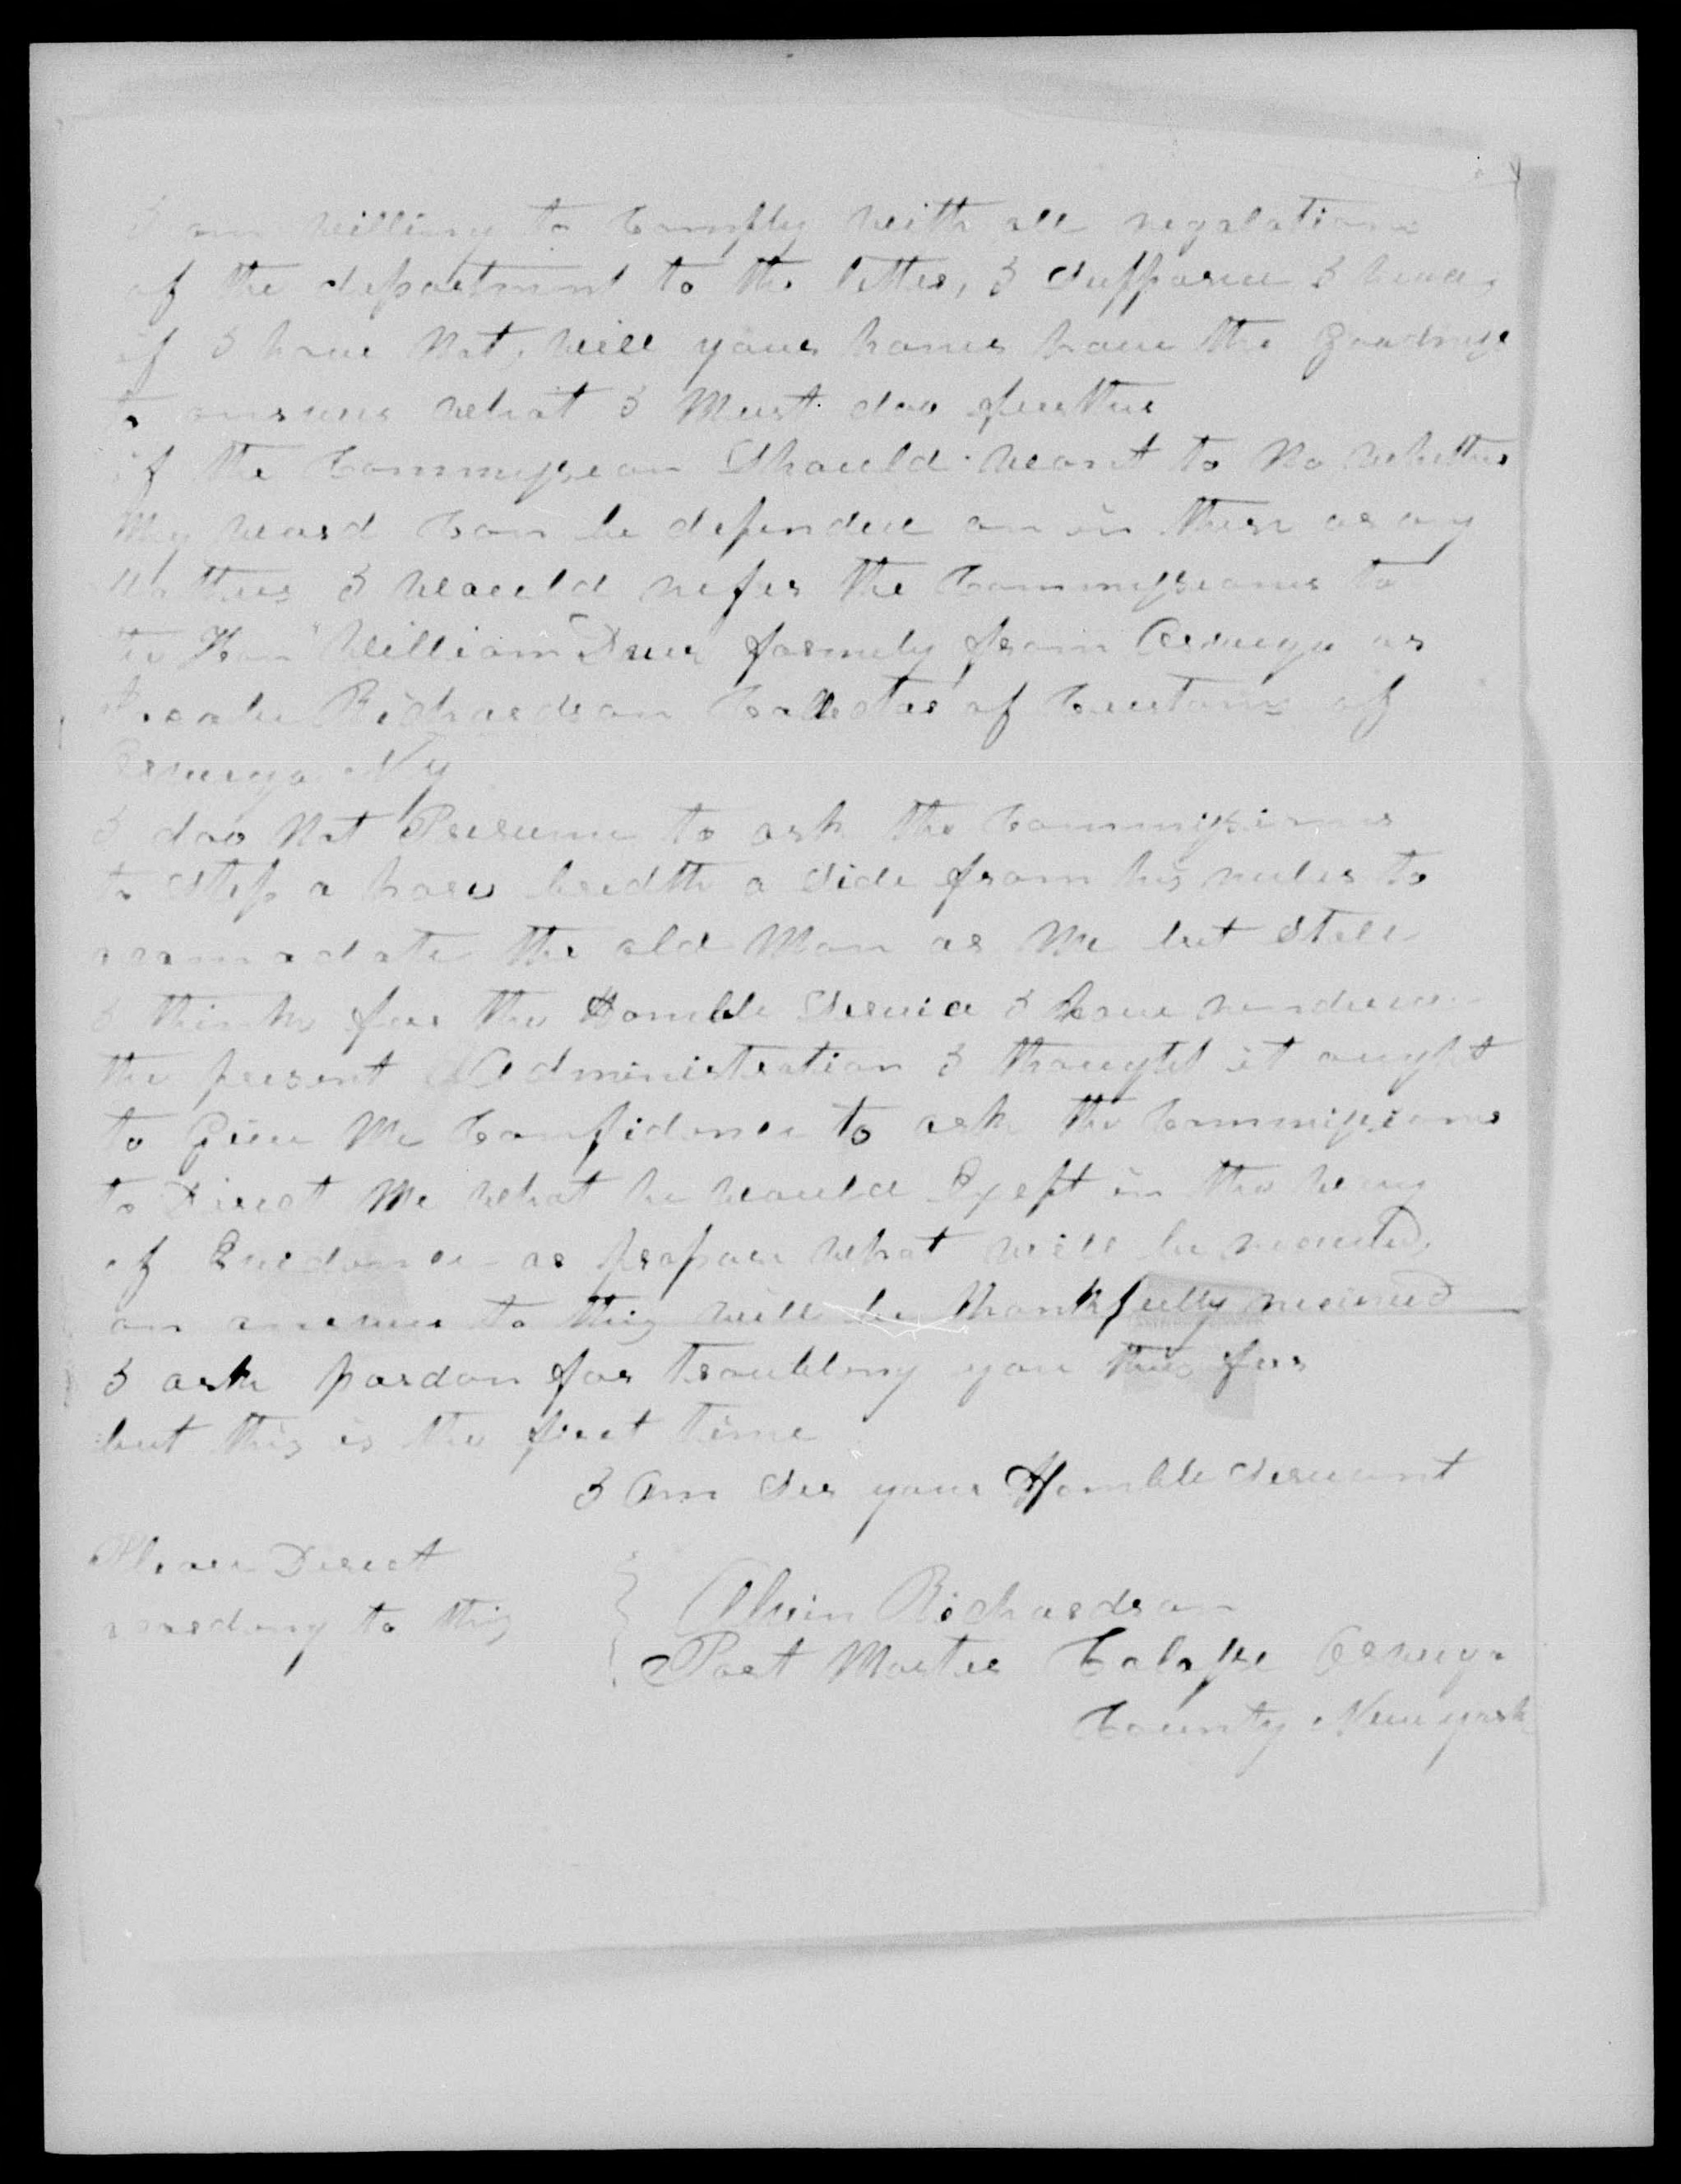I am willing to comply with all regulations of the department to the letter, I suppose I have. If I have not, will you [unreadable] have the gradings to answer what I must do further.
If the commissioner should want to Mr Whethers my word can be depended on in this as any matters I would refer the commissioner to the Hon William Dowe formerly from Oswego as [unreadable] Richardson [?] of Oswego New York.
I do not presume to ask the commissioner to stray a hares breadth a side from his rules to accommodate the old man as me but still I think for the Honorable Service I have rendered the present administration I thought it ought to give Me confidence to ask the commissioner to direct me what he would accept in the [unreadable] of evidence as [unreadable] what will be received.   An answer to this will be thankfully received.  I ask pardon for troubling you thus far but this is the first time I am [unreadable] your humble servant.
Please Direct sending to [unreadable] } Alvin Richardson Post Master Calassee Oswego County New York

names: William Dowe; Oliver Richardson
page: 13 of 44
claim: survivor's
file: S. 28,815, for Philip Morris, Rhode Island